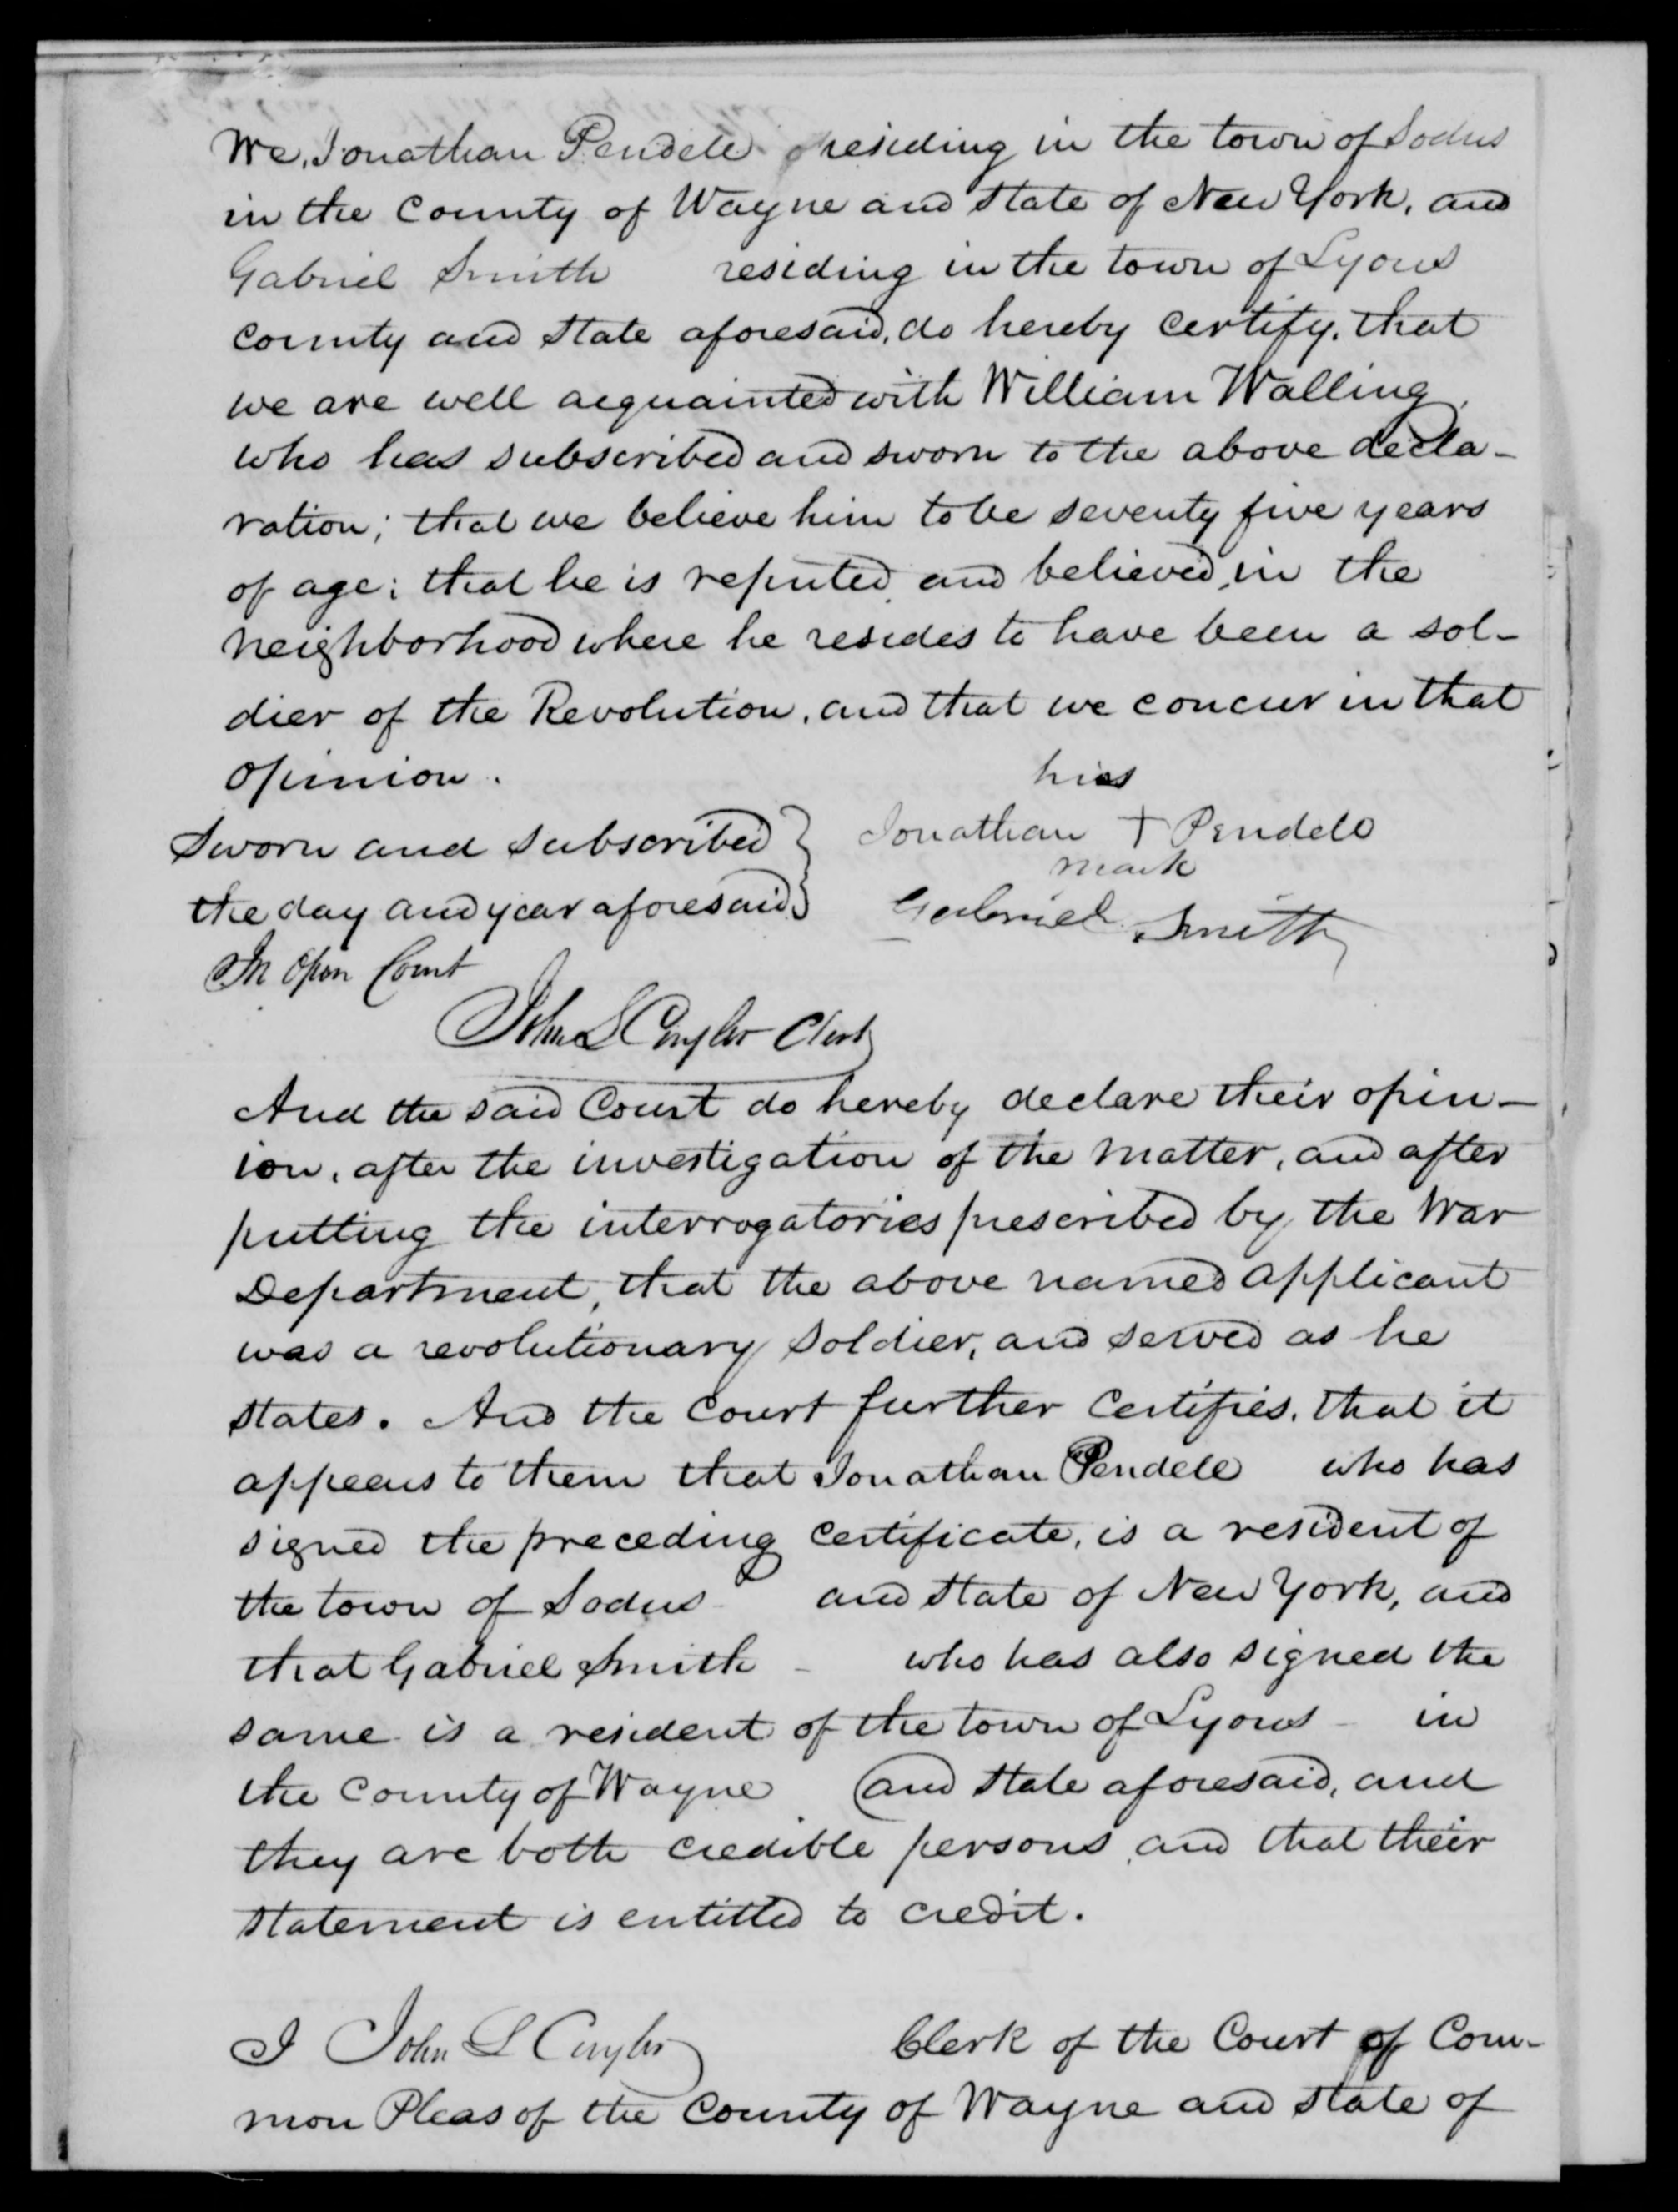We, Jonathan Pendell residing in the town of Sodus
in the County of Wayne and State of New York, and
Gabriel Smith residing in the town of Lyons
county and state aforesaid, do hereby certify, that
we are well acquainted with William Walling,
who has subscribed and sworn to the above decla-
ration; that we believe him to be seventy five years
of age; that he is reputed, and believed, in the 
neighborhood where he resides to have been a sol-
dier of the Revolution, and that we concur in that
opinion.
Sworn and subscribed }
the day and year aforesaid }

Jonathan his + mark Pendell
Gabriel Smith [signature]
In the Court
John L Cuyler [signature] Clerk
And the said Court do hereby declare their opin-
ion, after the investigation of the matter, and after
putting the interrogatories prescribed by the War
Department, that the above named applicant
was a revolutionary Soldier, and served as he 
states. And the Court further certifies, that it 
appears to them that Jonathan Pendell who has 
signed the preceding certificate, is a resident of
the town of Sodus and State of New York, and
that Gabriel Smith who has also signed the
same is a resident of the town of Lyons in
the County of Wayne and State aforesaid, and
they are both credible persons, and that their
statement is entitled to credit.
I John L Cuyler Clerk of the Court of Com-
mon Please of the County of Wayne and State of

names: John L Cuyler, Jonathan Pendell, Gabriel Smith, Gabriel Smith, John L Cuyler, Jonathan Pendell, William Walling, Jonathan Pendell, Gabriel Smith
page: 16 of 66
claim: widow's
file: W. 19588, William Walling, New Jersey